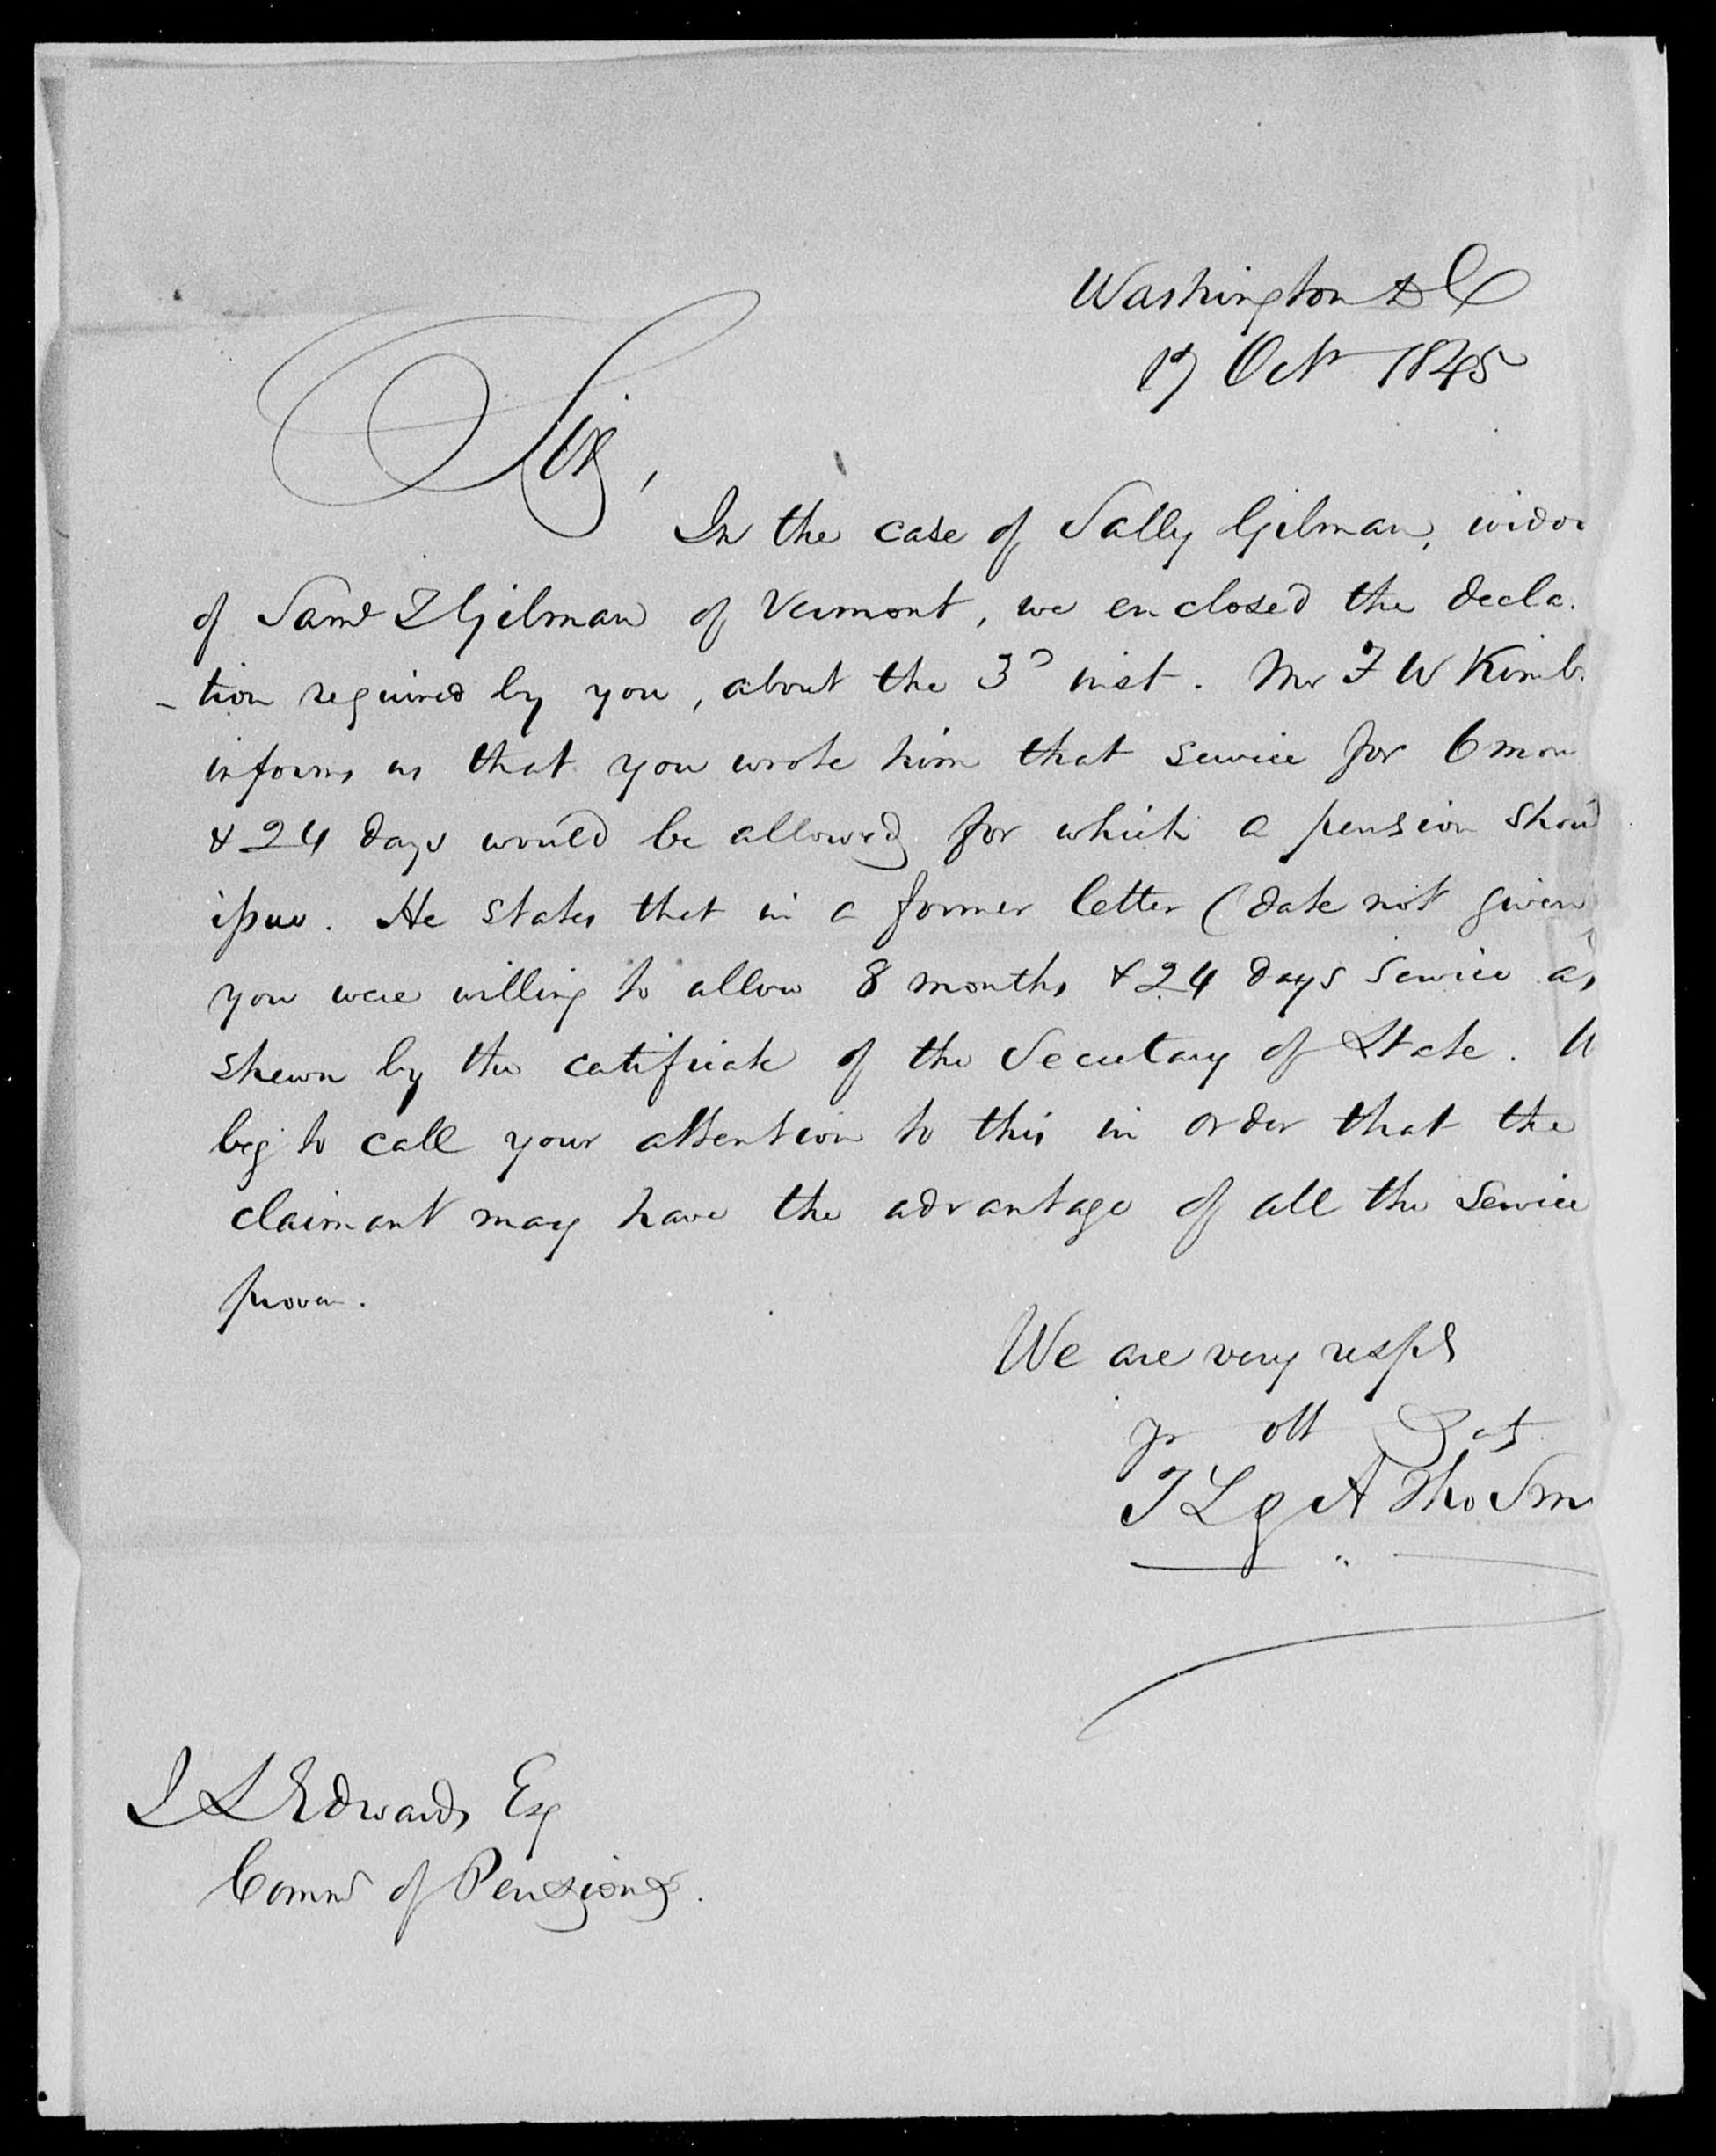Washington DC
19 Oct 1845

Sir, 
In the case of Sally Gilman, widow of Saml T Gilman of Vermont, we enclosed the declaration required by you, about the 3d inst. Mr. F. W. Kimball informs us that you wrote him that service for 6 mon & 24 days would be allowed for which a pension [illeg]. He states that in a former letter (date not given) you were willing to allow 8 months & 24 days service as shewn by the certificate of the Secretary of State. [We] beg to call your atten to this in order that the claimant may have the advantage of all the service proven.
We are very respf
you obt svt
T L & A Tho Smith

J L Edwards Esq
Comm of Pensions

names: Sally Gilman, J L Edwards, F W, A Tho Smith, T L Smith, Saml T Gilman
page: 52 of 61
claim: widow's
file: W. 19500, Samuel Thing Gilman, Continental N.H.